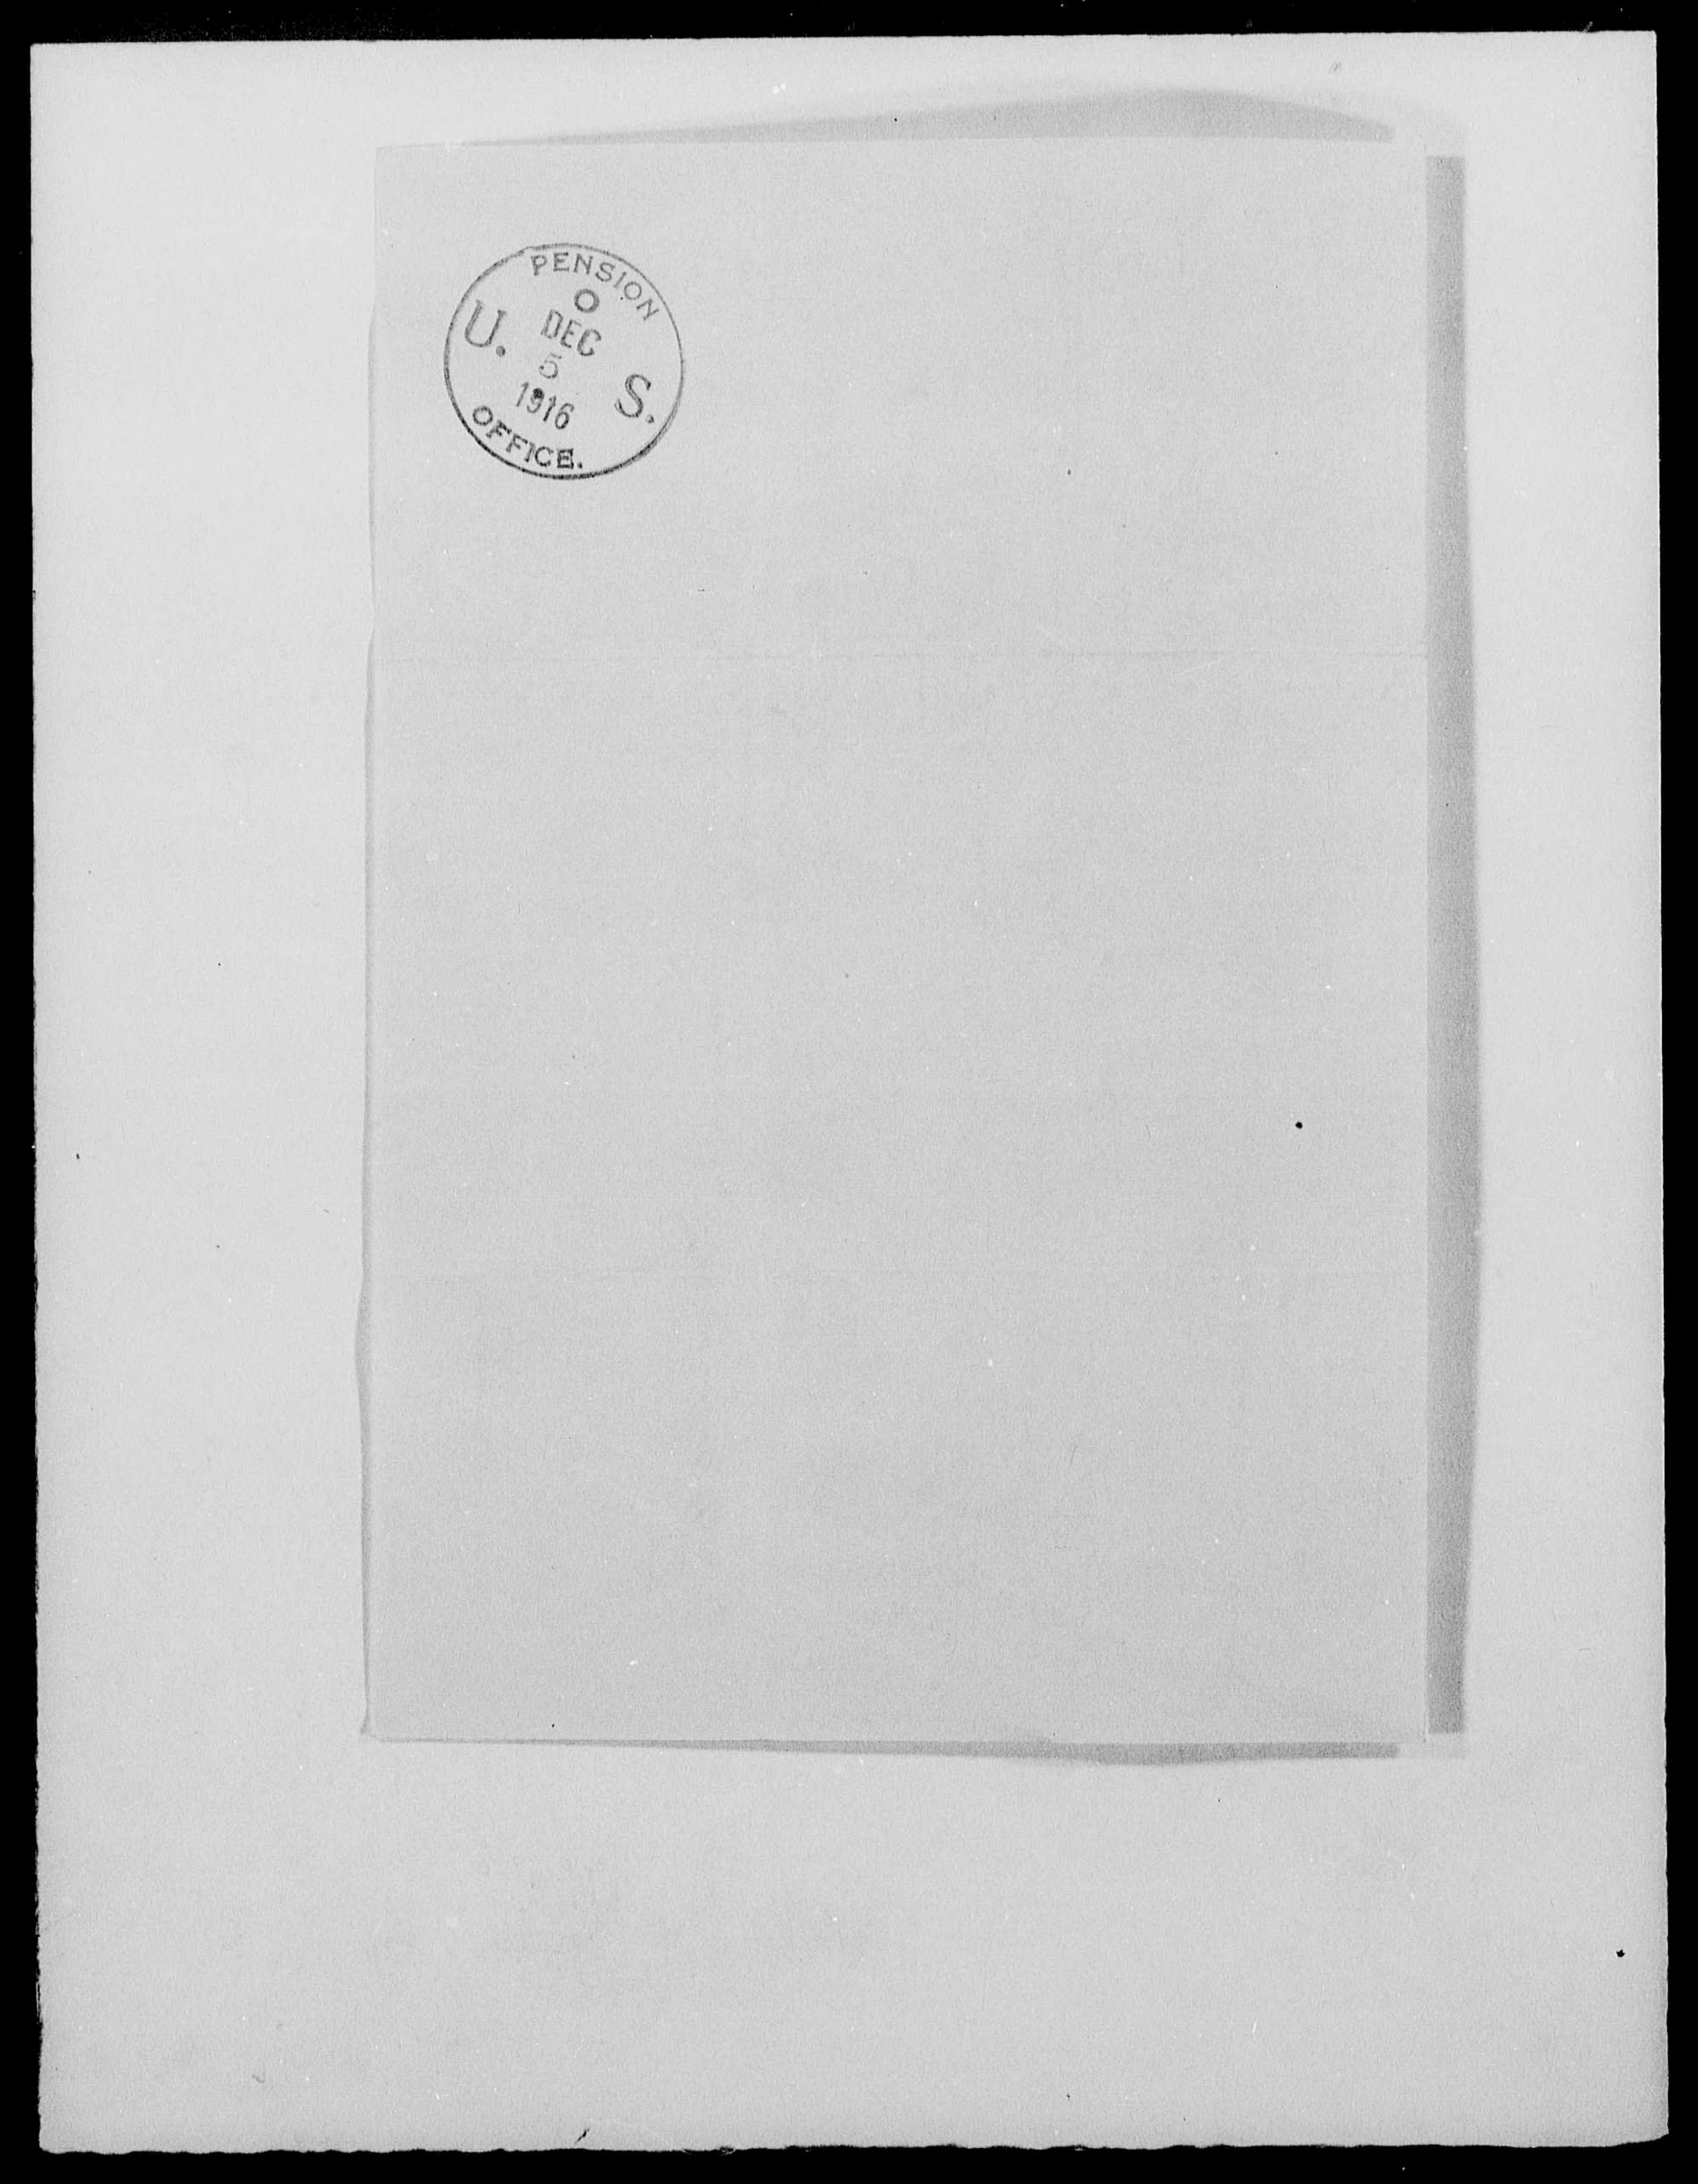[postmark]U.S. PENSION OFFICE DEC 5 1916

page: 21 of 48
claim: survivor's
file: S. 17343, Lemuel Clarke, Mass.